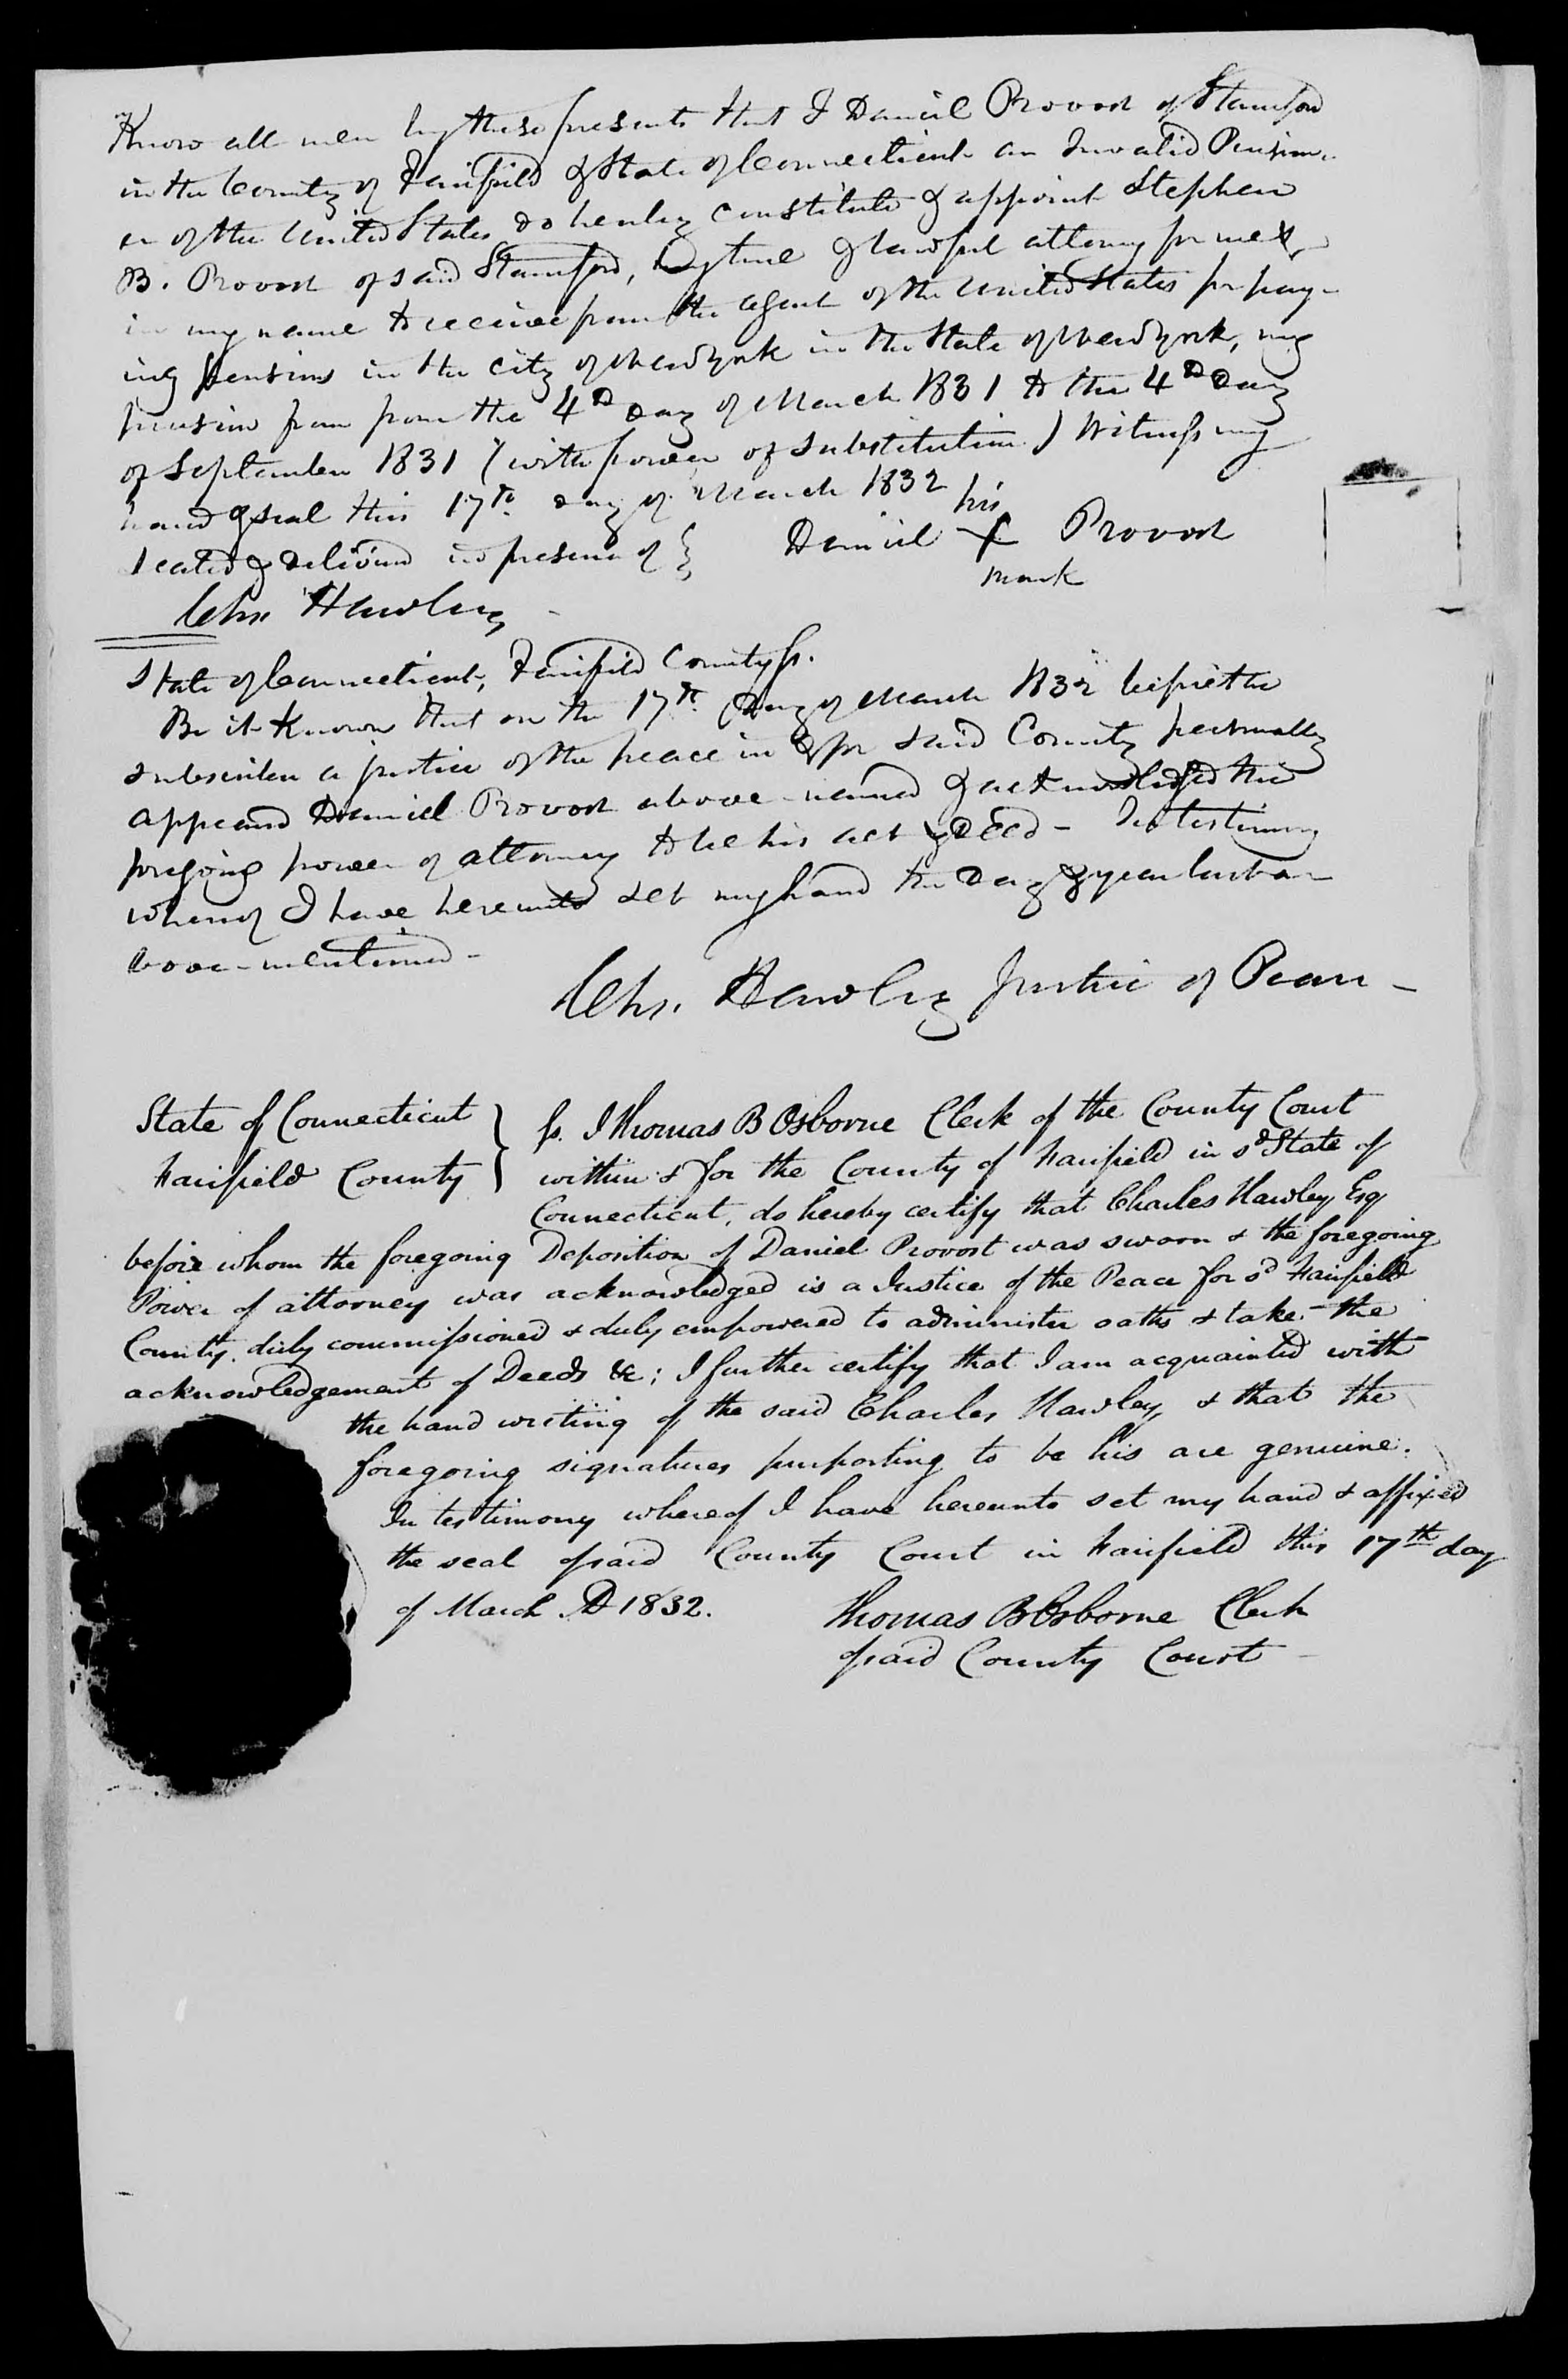Know all men by these presents that I Daniel Provost of Stamford
in the County of Fairfield & State of Connecticut an Invalid Pensioner
of the United States do hereby constitute & appoint Stephen
B. Provost of said Stamford, my true & lawful attorney [illegible]
in my name to receive from the agent of the United States for paying
pensions in the City of New York in the State of New York, my
pension from from the 4th day of March 1831 to the 4th day
of September 1831 (with power of substitution) Witness my
hand & seal this 17th day of March 1832
Daniel Provost his X mark
Sealed & delivered in presence of }
John Hawley
State of Connecticut, Fairfield County ss
Be it known that on the 17th day March 1832 [illegible]
subscriber a Justice of the peace in aforesaid County personally
appeared Daniel Provost above named & acknowledged the
foregoing power of attorney to be his act & Deed - [illegible] Testimony
whereof I have here unto set my hand the day & year [illegible]
[illegible]
Chs. Hawley Justice of Peace
State of Connecticut }
Fairfield County } ss. I Thomas B Osborne Clerk of the County Court
within & for the County of Fairfield in sd State of
Connecticut, do hereby certify that Charles Hawley Esq
before whom the foregoing Deposition of Daniel Provost was sworn & the foregoing
Power of attorney was acknowledged is a Justice of the Peace for sd Fairfield
County duly commissioned & duly empowered to administer oaths & take the
acknowledgement of Deeds &c I further certify that I am acquainted with
the hand writing of the said Charles Hawley & that the
foregoing signatures purporting to be his are genuine.
In testimony whereof I have hereunto set my hand & affixed
the seal of said County Court in Fairfield this 17th day
of March AD 1832
Thomas B Osborne Clerk
of said County Court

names: Thomas B Osborne; Daniel Provost; Stephen B Provost; Charles Hawley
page: 4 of 24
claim: survivor's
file: S. 20,926, for Daniel Provost, Connecticut